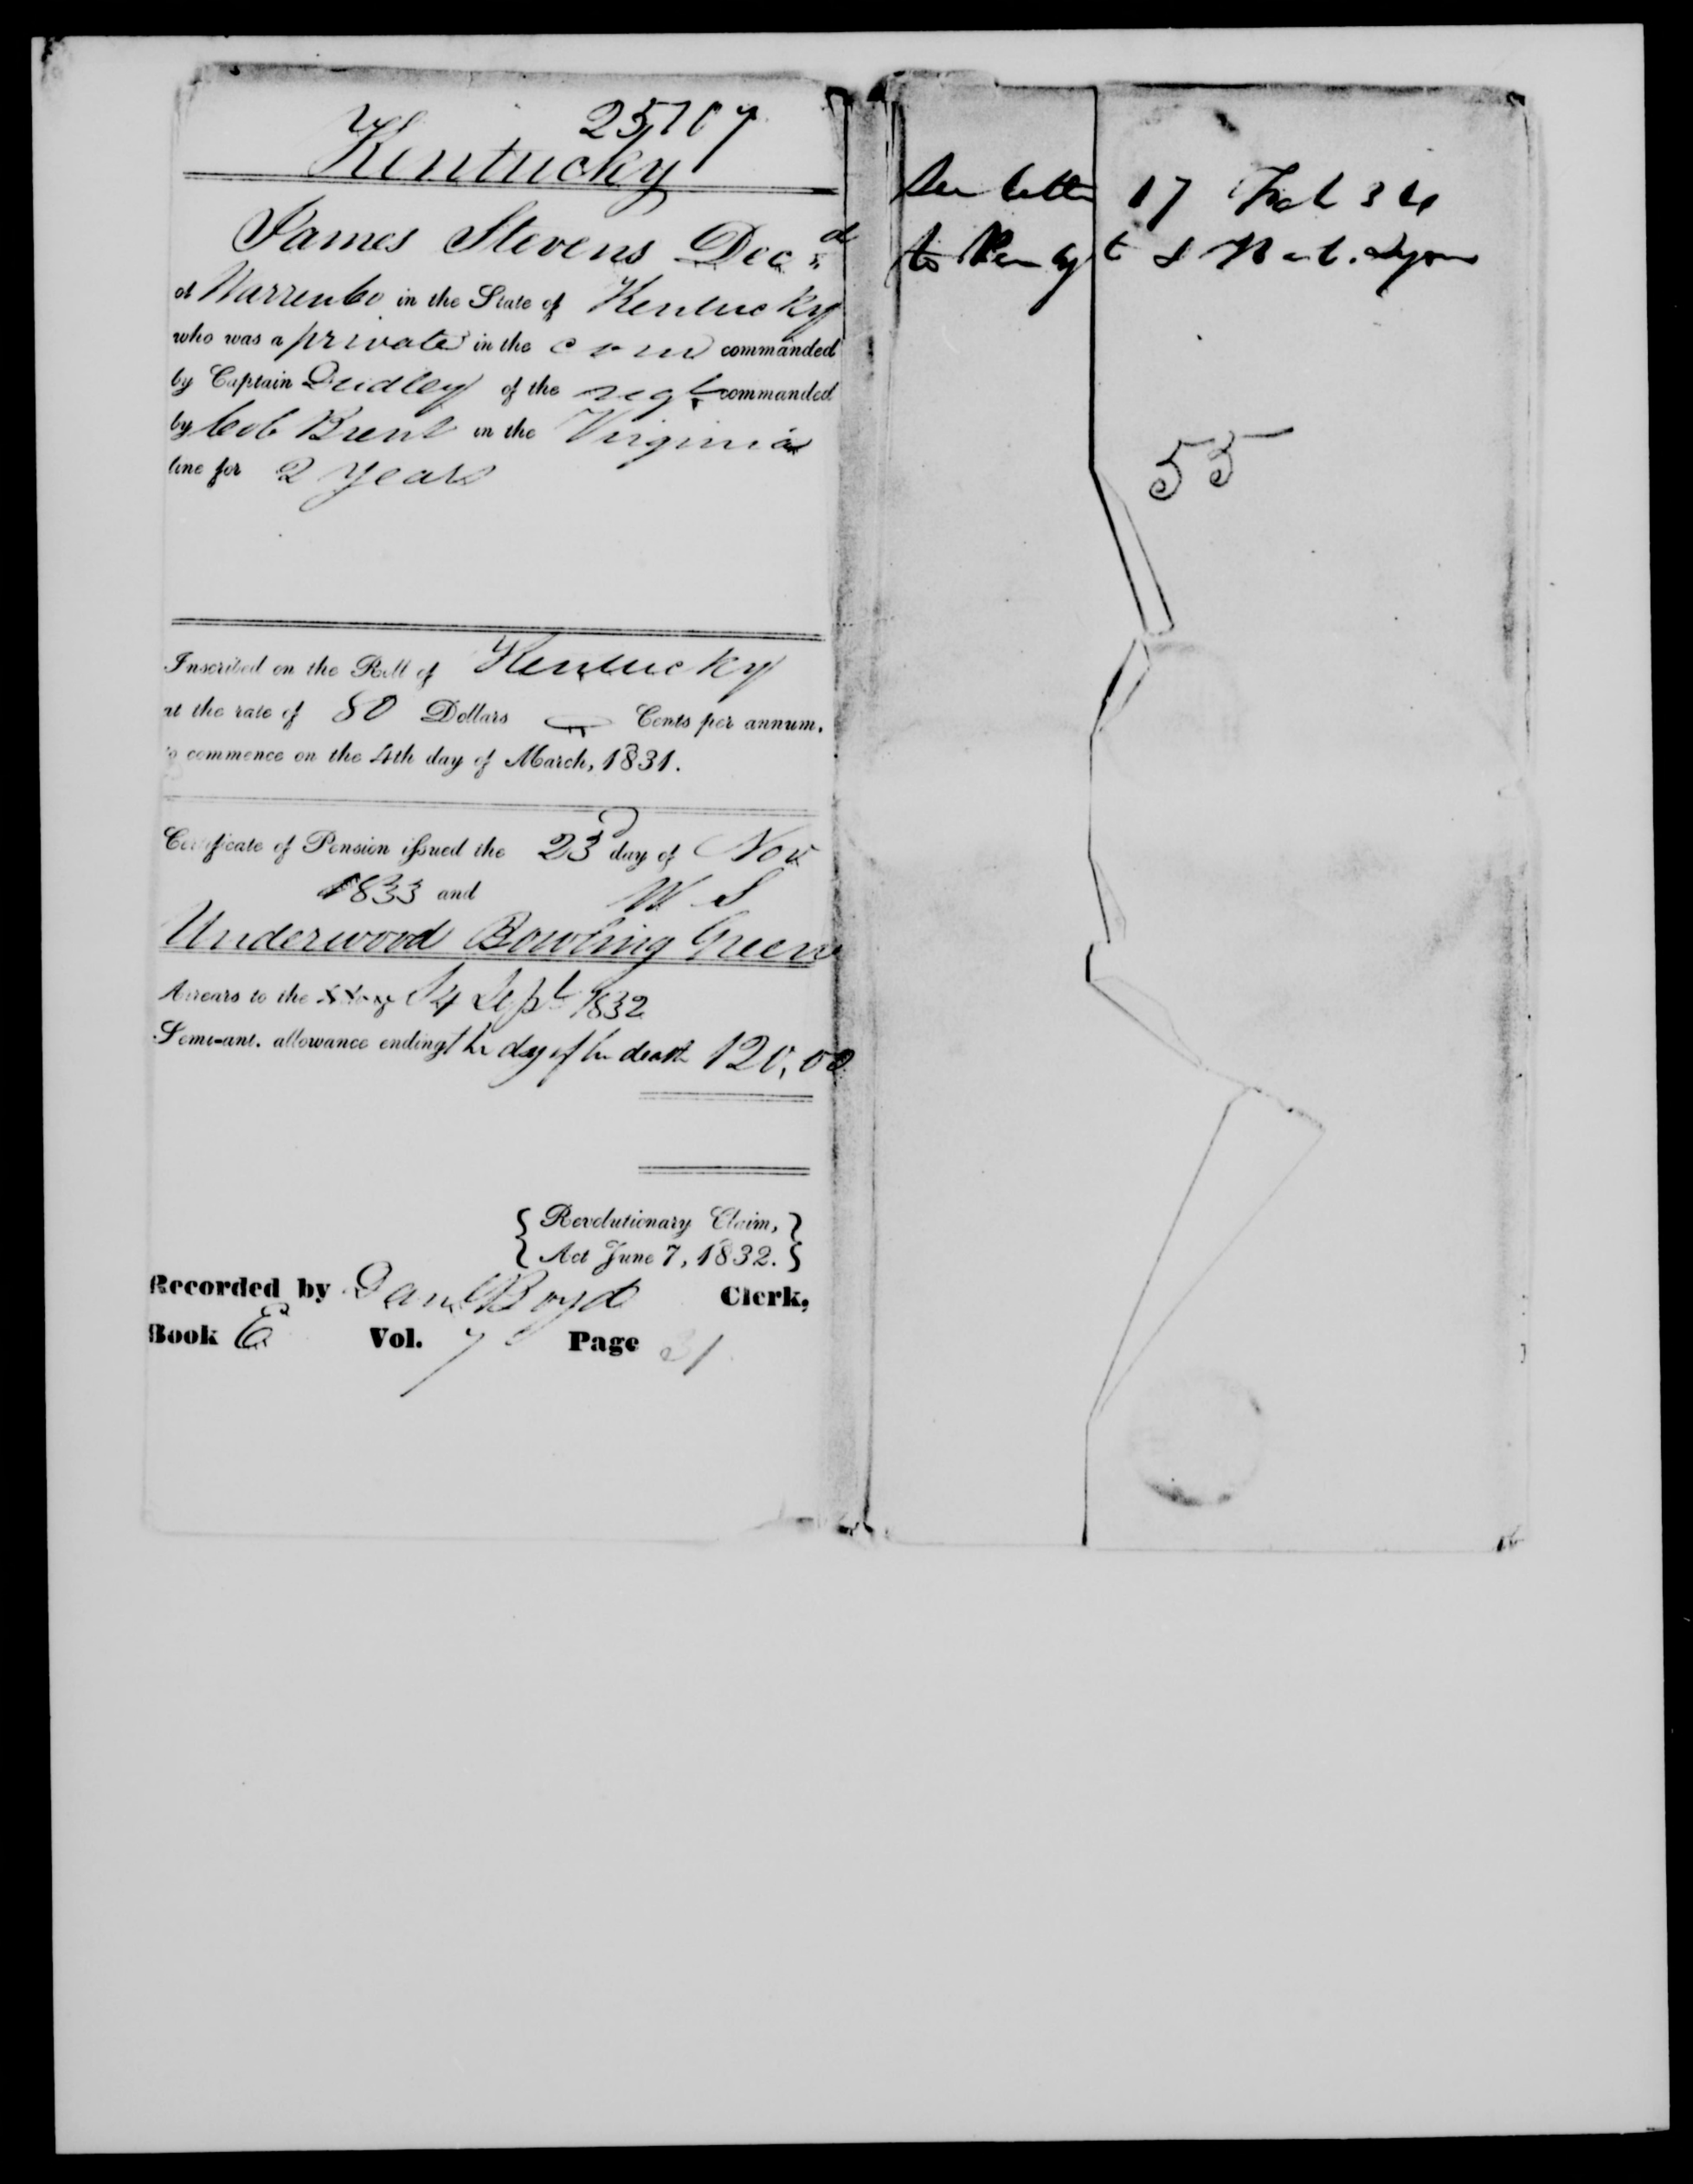25197
Kentucky
James Stevens Decd
of Warren Co in the State of Kentucky
who was a private in the com. commanded by Captain Dudley of the regt. commanded by Col Bunt in the Virginia line for 2 years
Inscribed on the Roll of Kentucky
at the rate of 80 Dollars - Cents per annum, to commence on the 4th day of March, 1831.
Certificate of Pension issued the 23d day of Nov 1833 and W. S. Underwood Bowling Green
Arrears to the 14 Sept. 1832
Semi-anl. allowance ending the day of his death 120:00
Revolutionary Claim,
Act June 7, 1832.
Recorded by Danl. Boyd Clerk,
Book E. Vol. 7 Page 31

See letter 17 Feb 34
to Pen agt & Rob. Lyons
55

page: 5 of 99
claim: widow's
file: W 8766, for James Stevens, Virginia